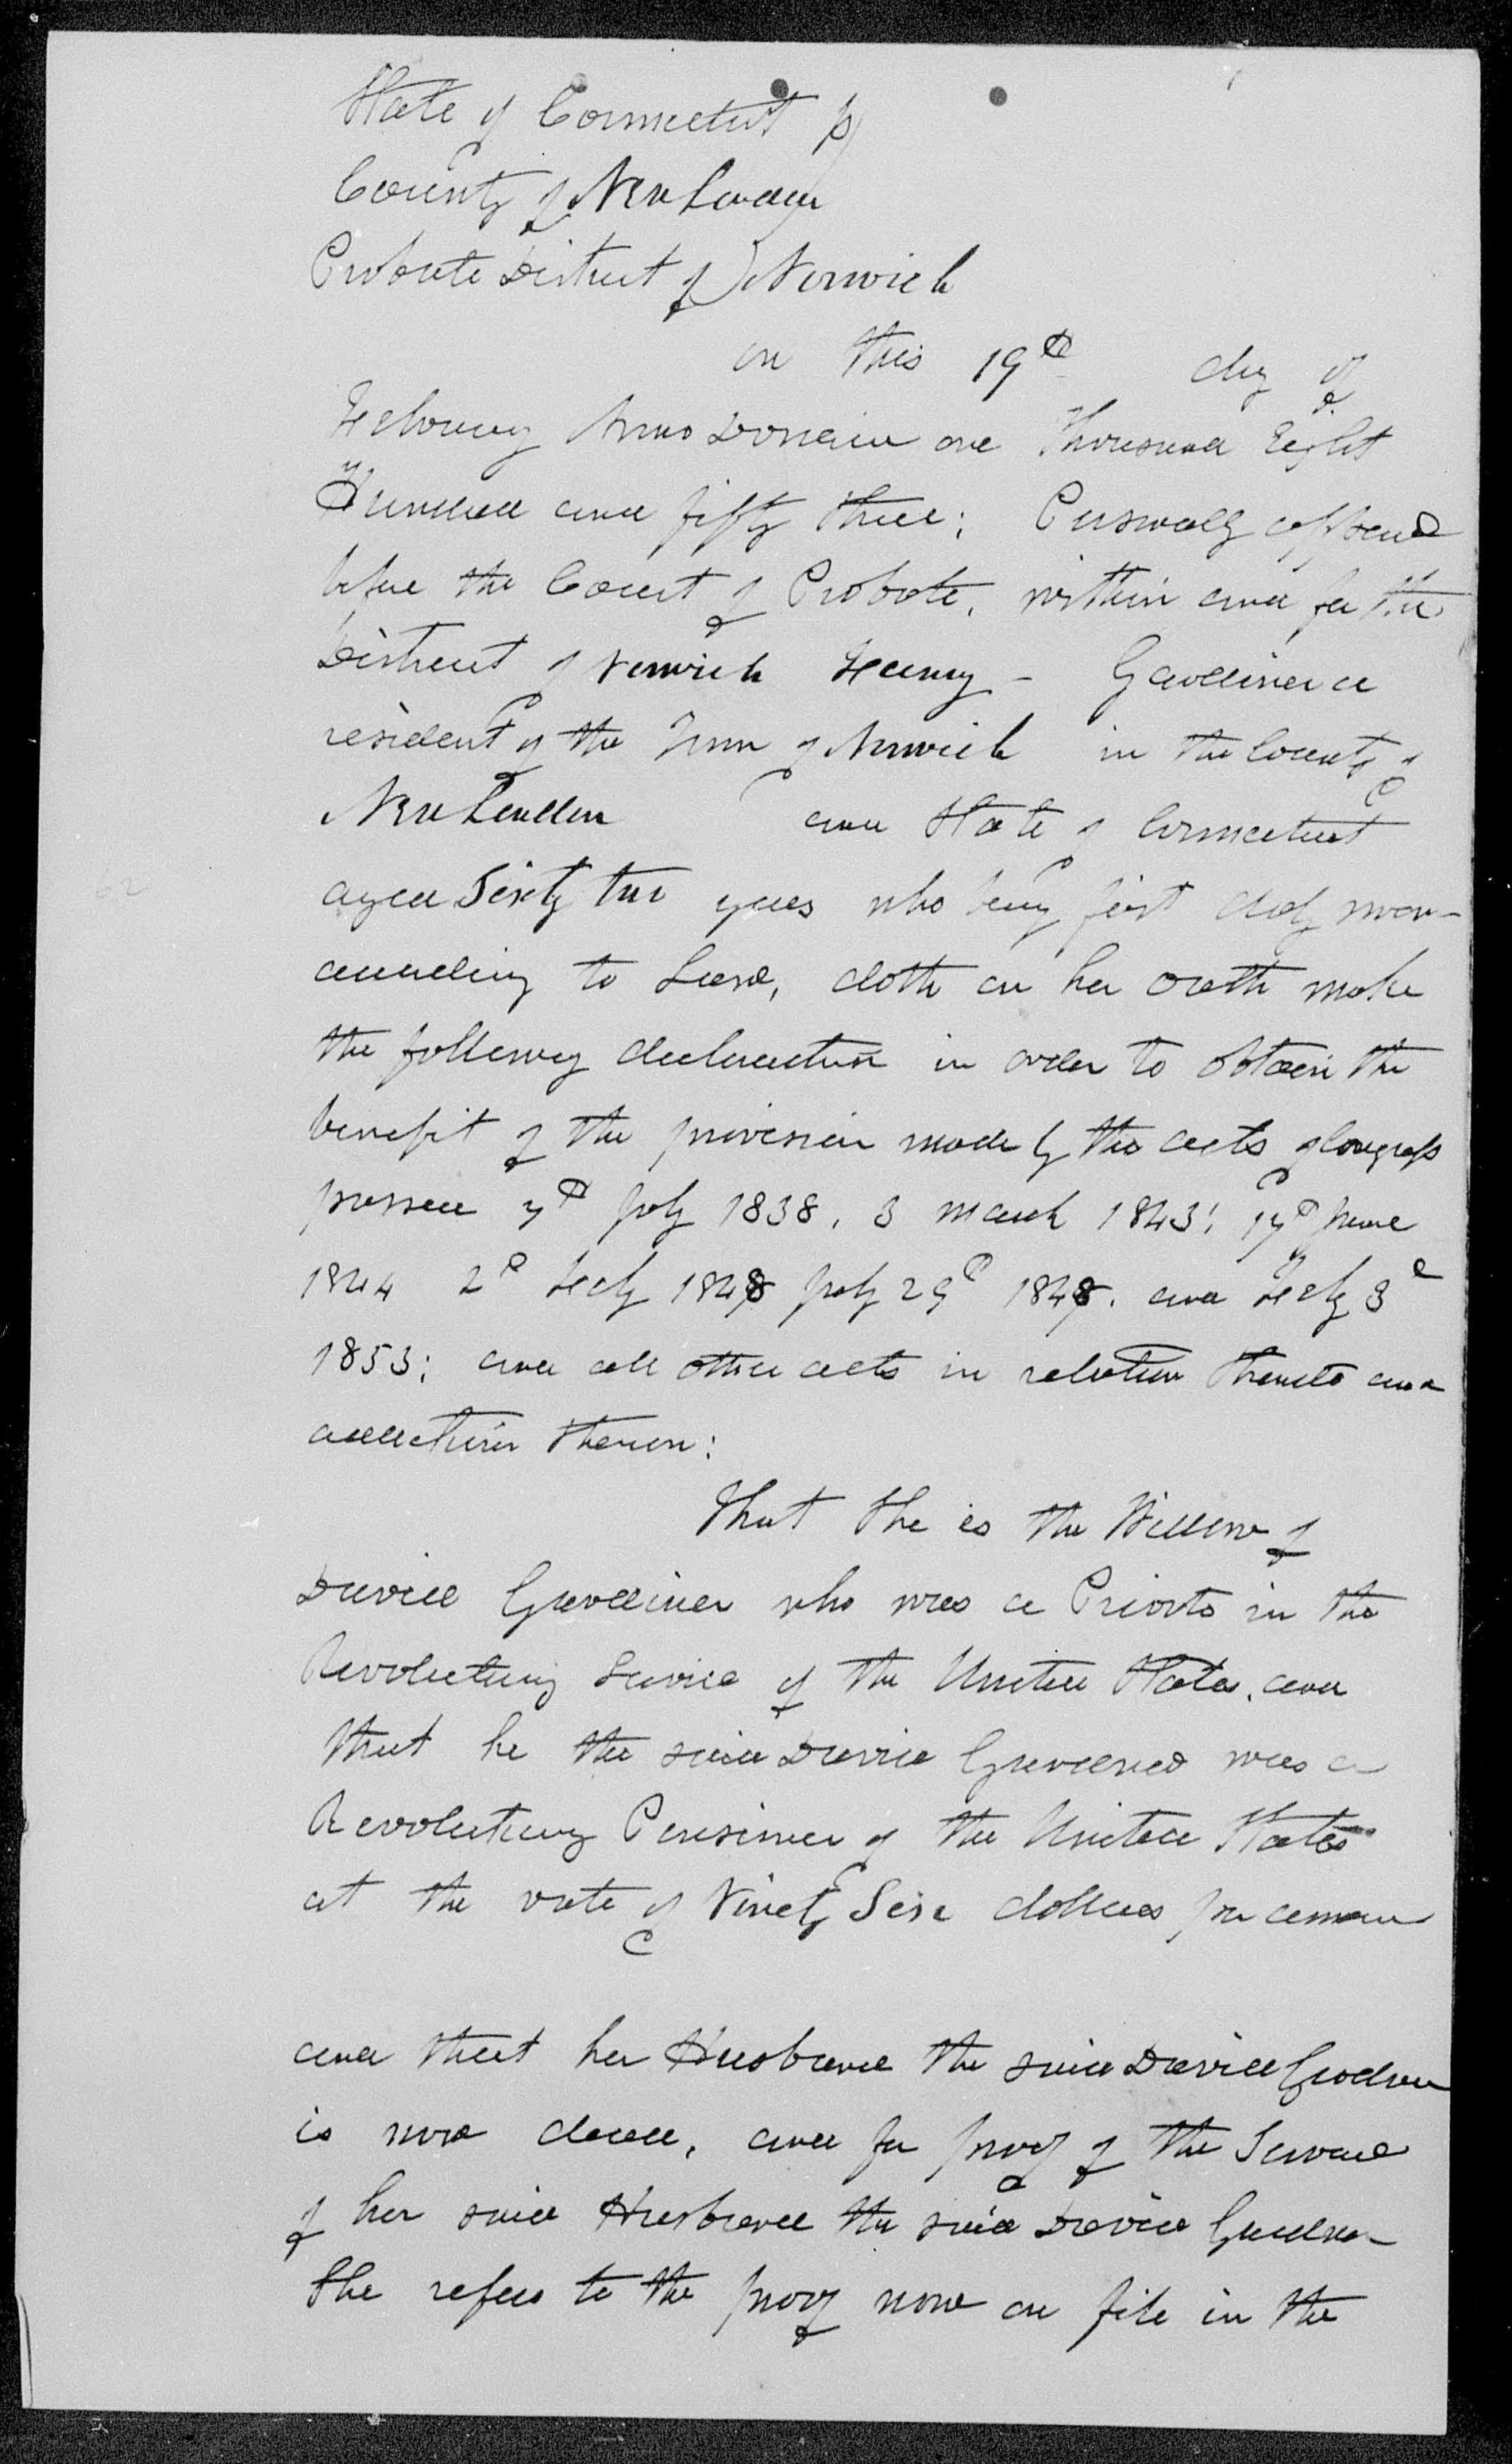State of Connecticut
County of New London
Probate District of Norwich

On this 19th day of February Anno Domini one thousand Eight Hundred and fifty three:
Personally appeared before the Court of Probate, within and for the District of Norwich Fanny Gardner a resident of the town of Norwich in the county of New London and State of Connecticut aged sixty two years who being first duly sworn according to Law, doth on her oath make the following declaration in order to obtain the benefit of the provision made by the acts of Congress passed 7th July 1838, 3 March 1843; 17th June 1844 2nd July 1848 July 29th 1848, and Feb (?) 3rd 1853: and all other acts in relation thereto and association thereon: 
That she is the Widow of David Gardner who was a Private in the Revolutionary service of the United States, and that he the said David Gardner was a Revolutionary Pensioner of the United States at the rate of Ninety Six dollars per annum and that her Husband the said David Gardner is now dec'd, and for proof of the service of her said Husband the said David Gardner she refers to the proof now on file in the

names: Fanny Gardiner, David Gardner, David Gardiner, David Gardner, David Gardner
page: 17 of 66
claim: widow's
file: W 1850, David Gardner, Conn.